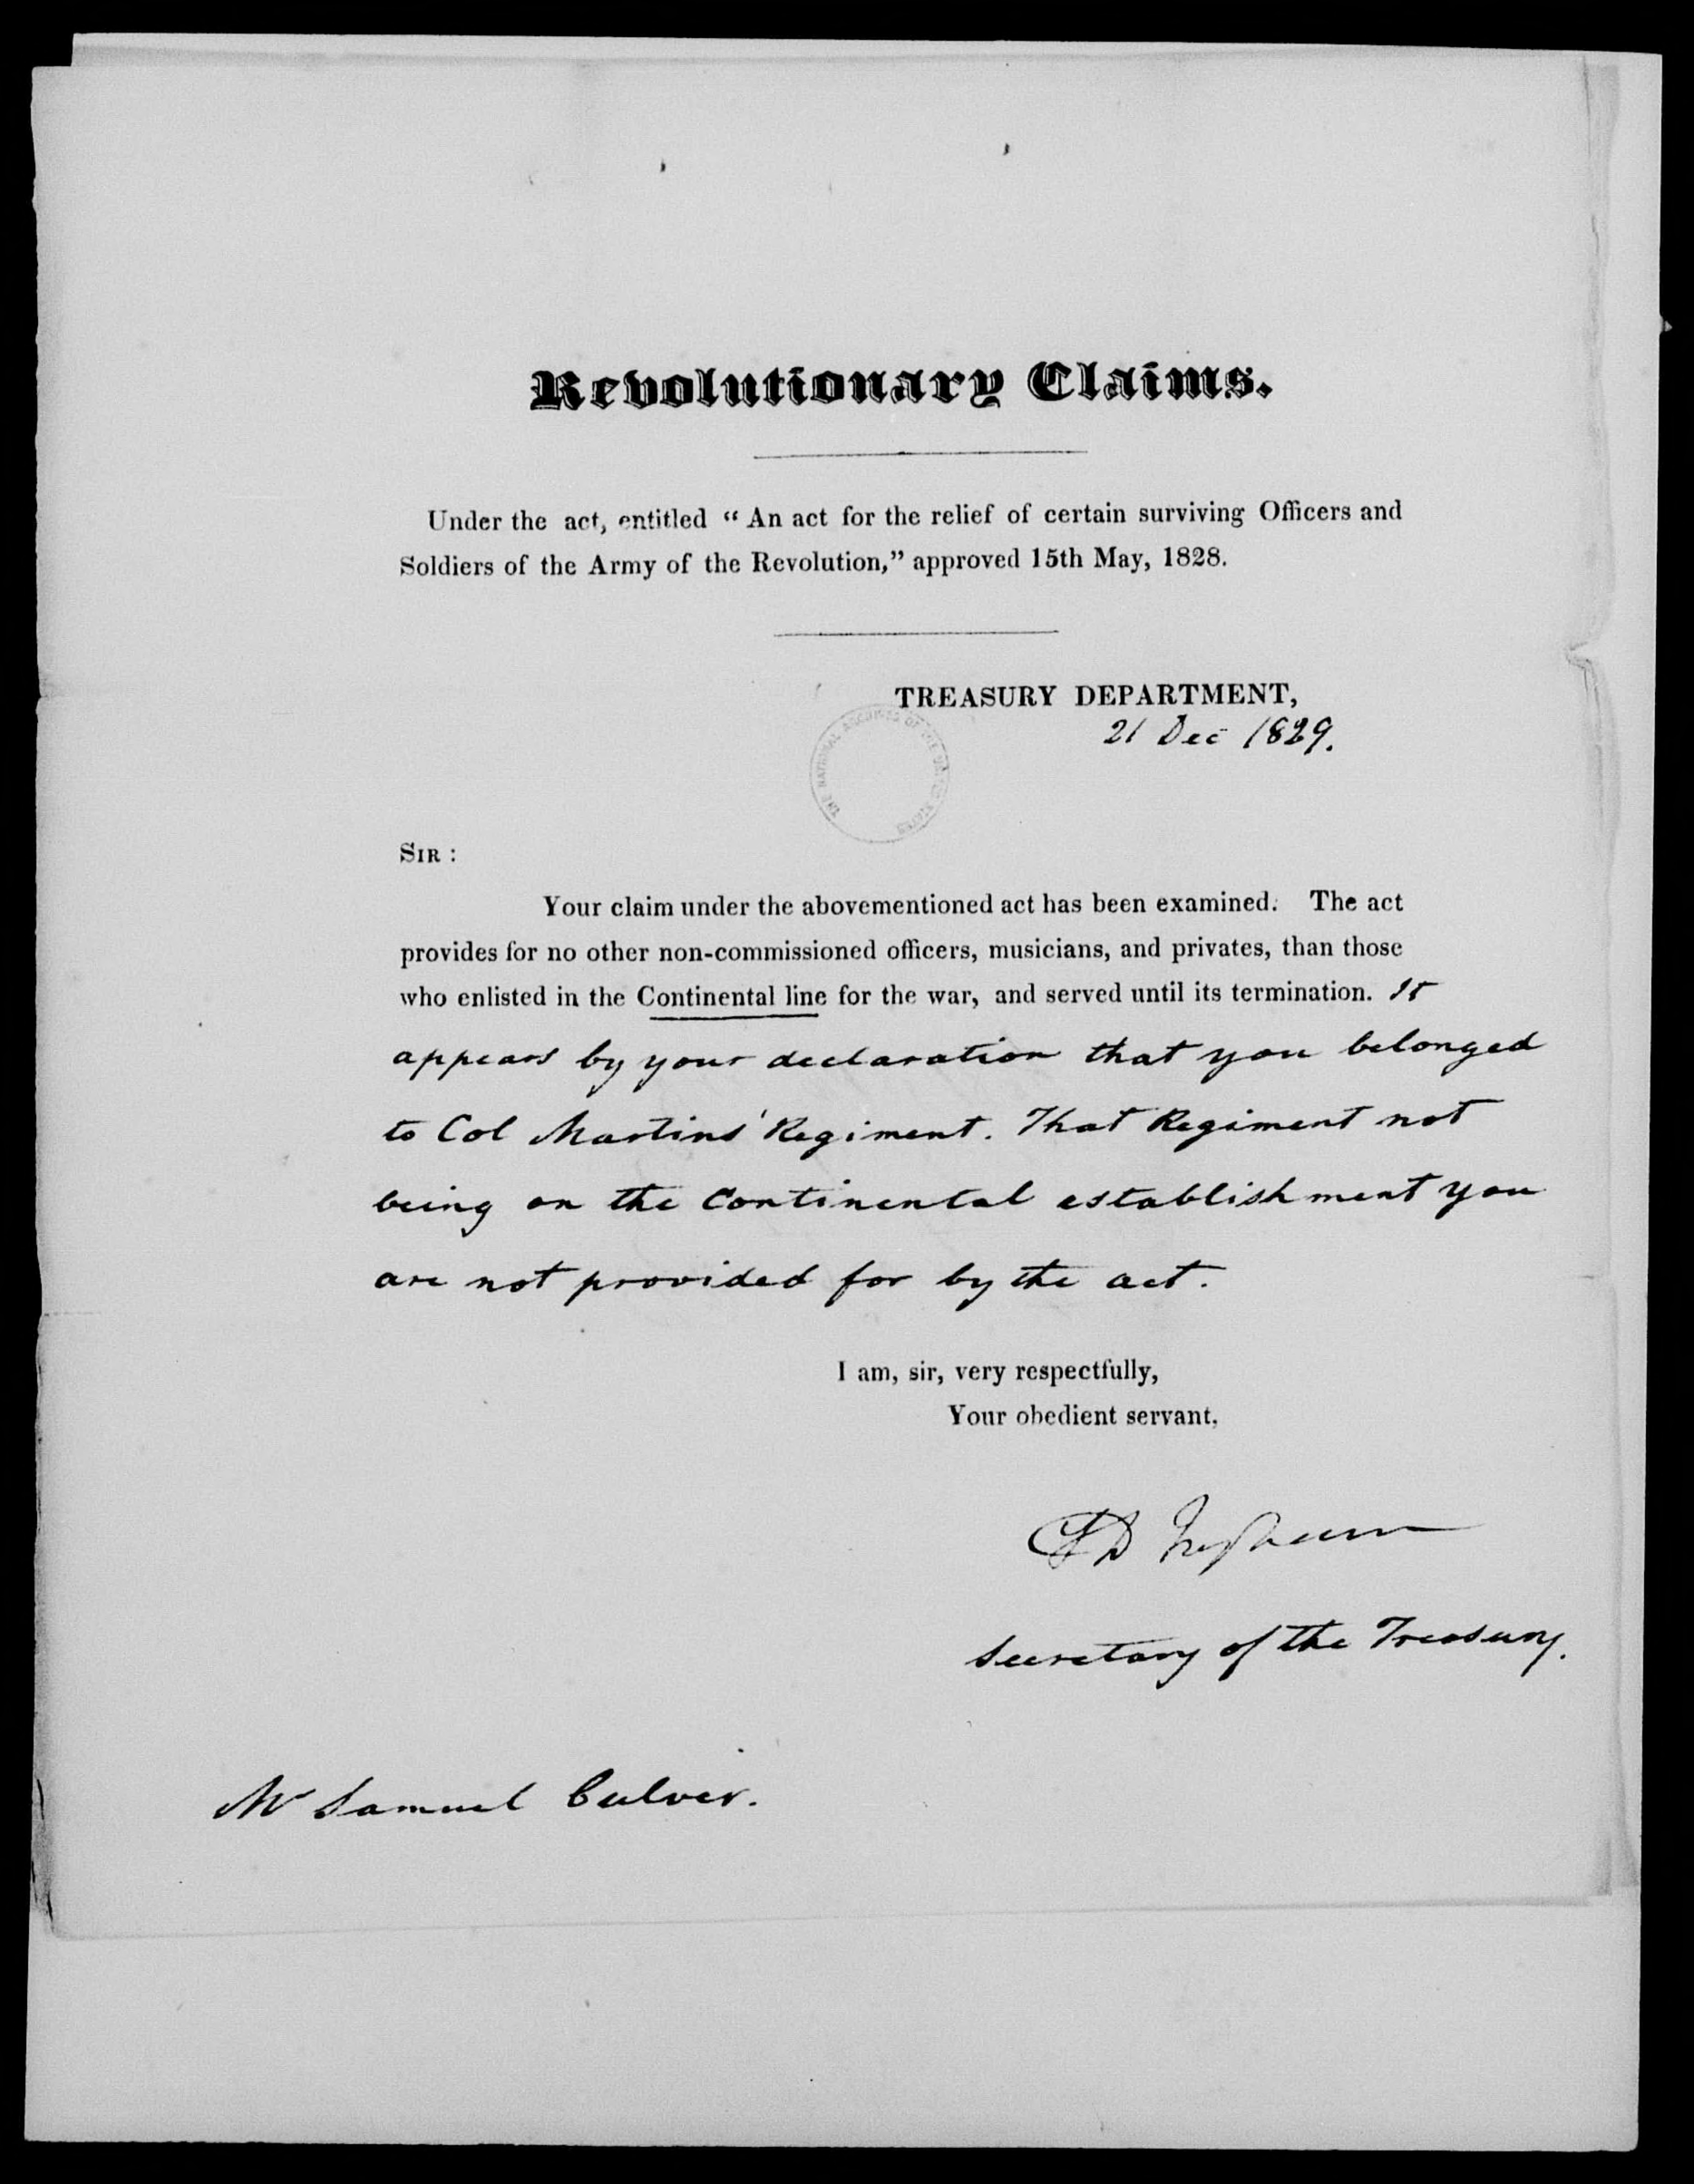REVOLUTIONARY CLAIMS.

Under the act entitled “An act for the relief of certain surviving Officers and
Soldiers of the Army of the Revolution,” approved 15th may, 2828.

				TREASURY DEPARTMENT
				21 Dec 1829.
[stamp – The National Archives of the United States]

Sir:

	Your claim under the abovementioned act has been examined.  The act
provides for no other non-commissioned officers, musicians, and privates, than those
who enlisted in the Continental line for the war, and served until its termination.  It
appears by your declaration that you belonged 
to col Martins’ Regiment.  That Regiment not
being on the Continental establishment you
are not provided for by the act.

				I am, sir, very respectfully,
					Your obedient servant,

				S D Ingham [signature]
				Secretary of the Treasury.

Mr. Samuel Culver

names: Samuel Culver, S D Ingham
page: 26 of 40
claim: rejected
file: R. 1,570, Samuel Culver, New Jersey